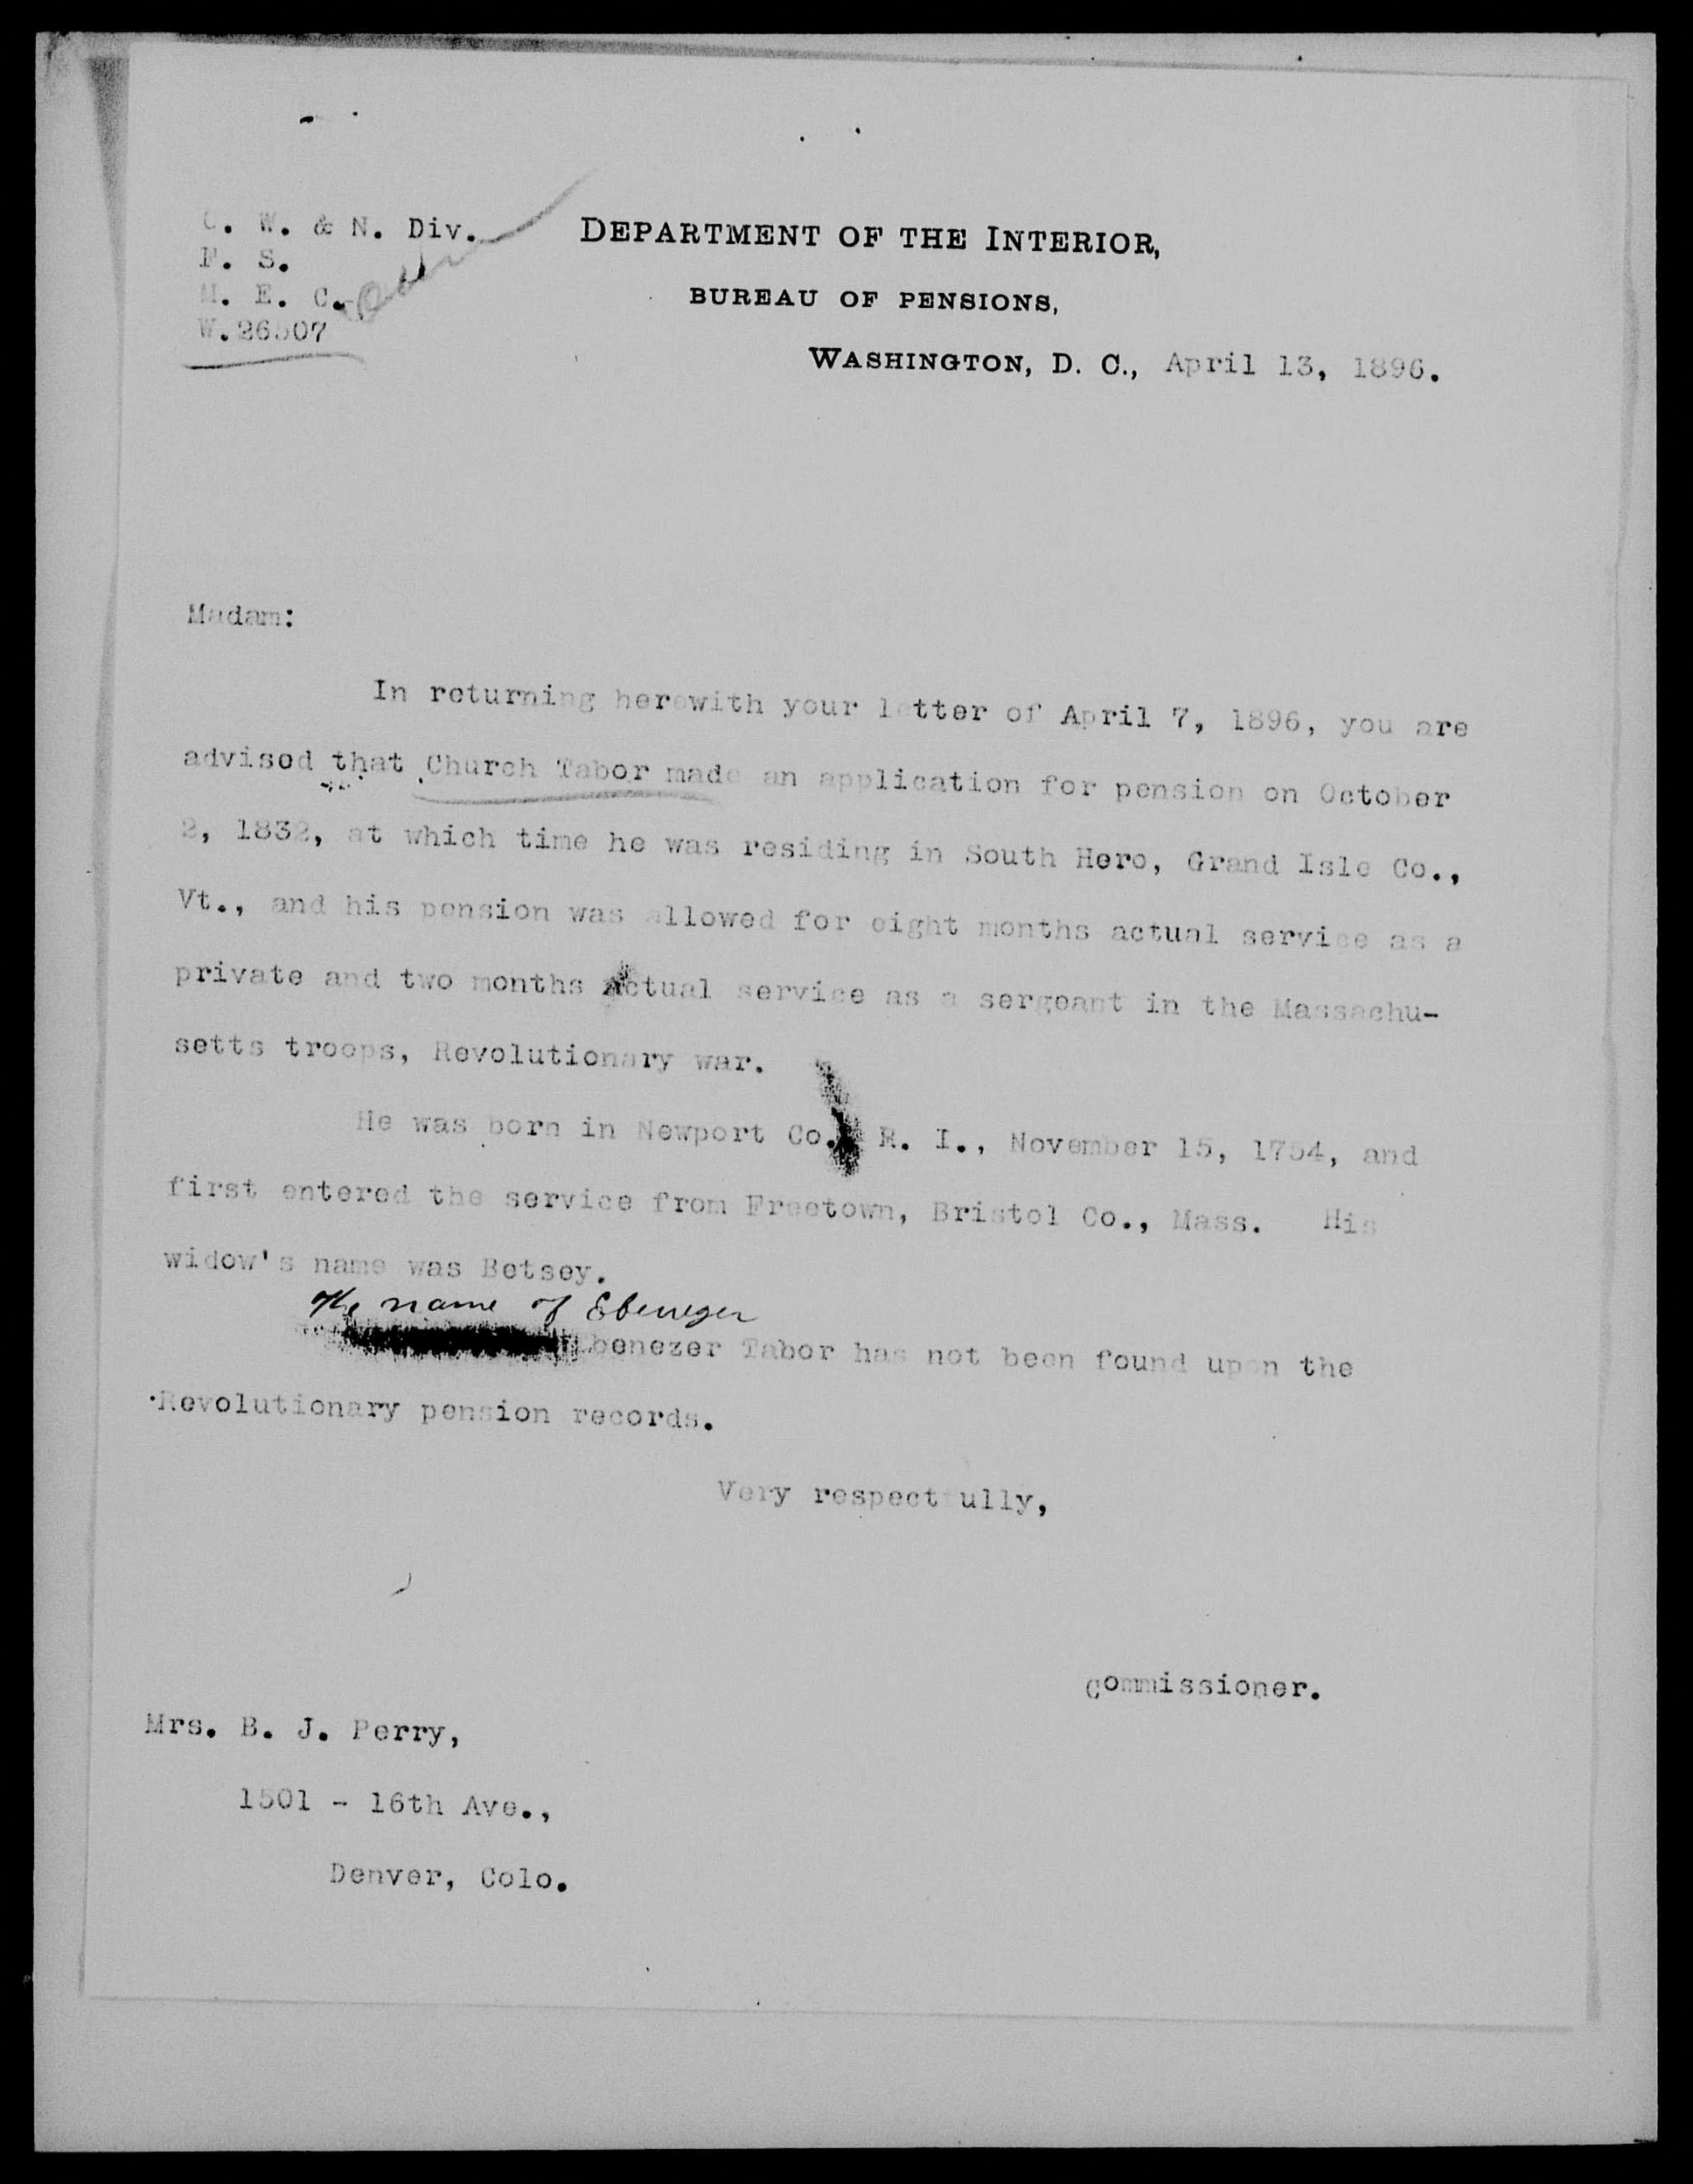O. W. & N. Div.
F. S.
M. E. C.
W. 26507

DEPARTMENT OF THE INTERIOR
Bureau of Pensions
Washington, D. C.  April 13, 1896

Madam:
In returning herewith your letter of April 7  1896, you are advised that Church Tabor made an application for pension on October 2, 1832, at which time he was residing in South Hero, Grand Isle Co., Vt., and his pension was allowed for eight months actual service as a private and two months actual service as a sergeant in the Massachusetts troops, Revolutionary war.
He was born in Newport Co., R. I. November 15, 1754, and first entered the service from Freetown, Bristol, Co., Mass. his widow's name was Betsey.
(words blacked out-inserted is "The name of Ebenezer) Ebenezer Tabor has not been found upon the Revolutionary pension records.
Very respectfully,

Commissioner

Mrs. B. J. Perry,
1501-16th Ave.,
Denver, Colo.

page: 16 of 41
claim: widow's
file: W 26507, for Church Tabor, Massachusetts